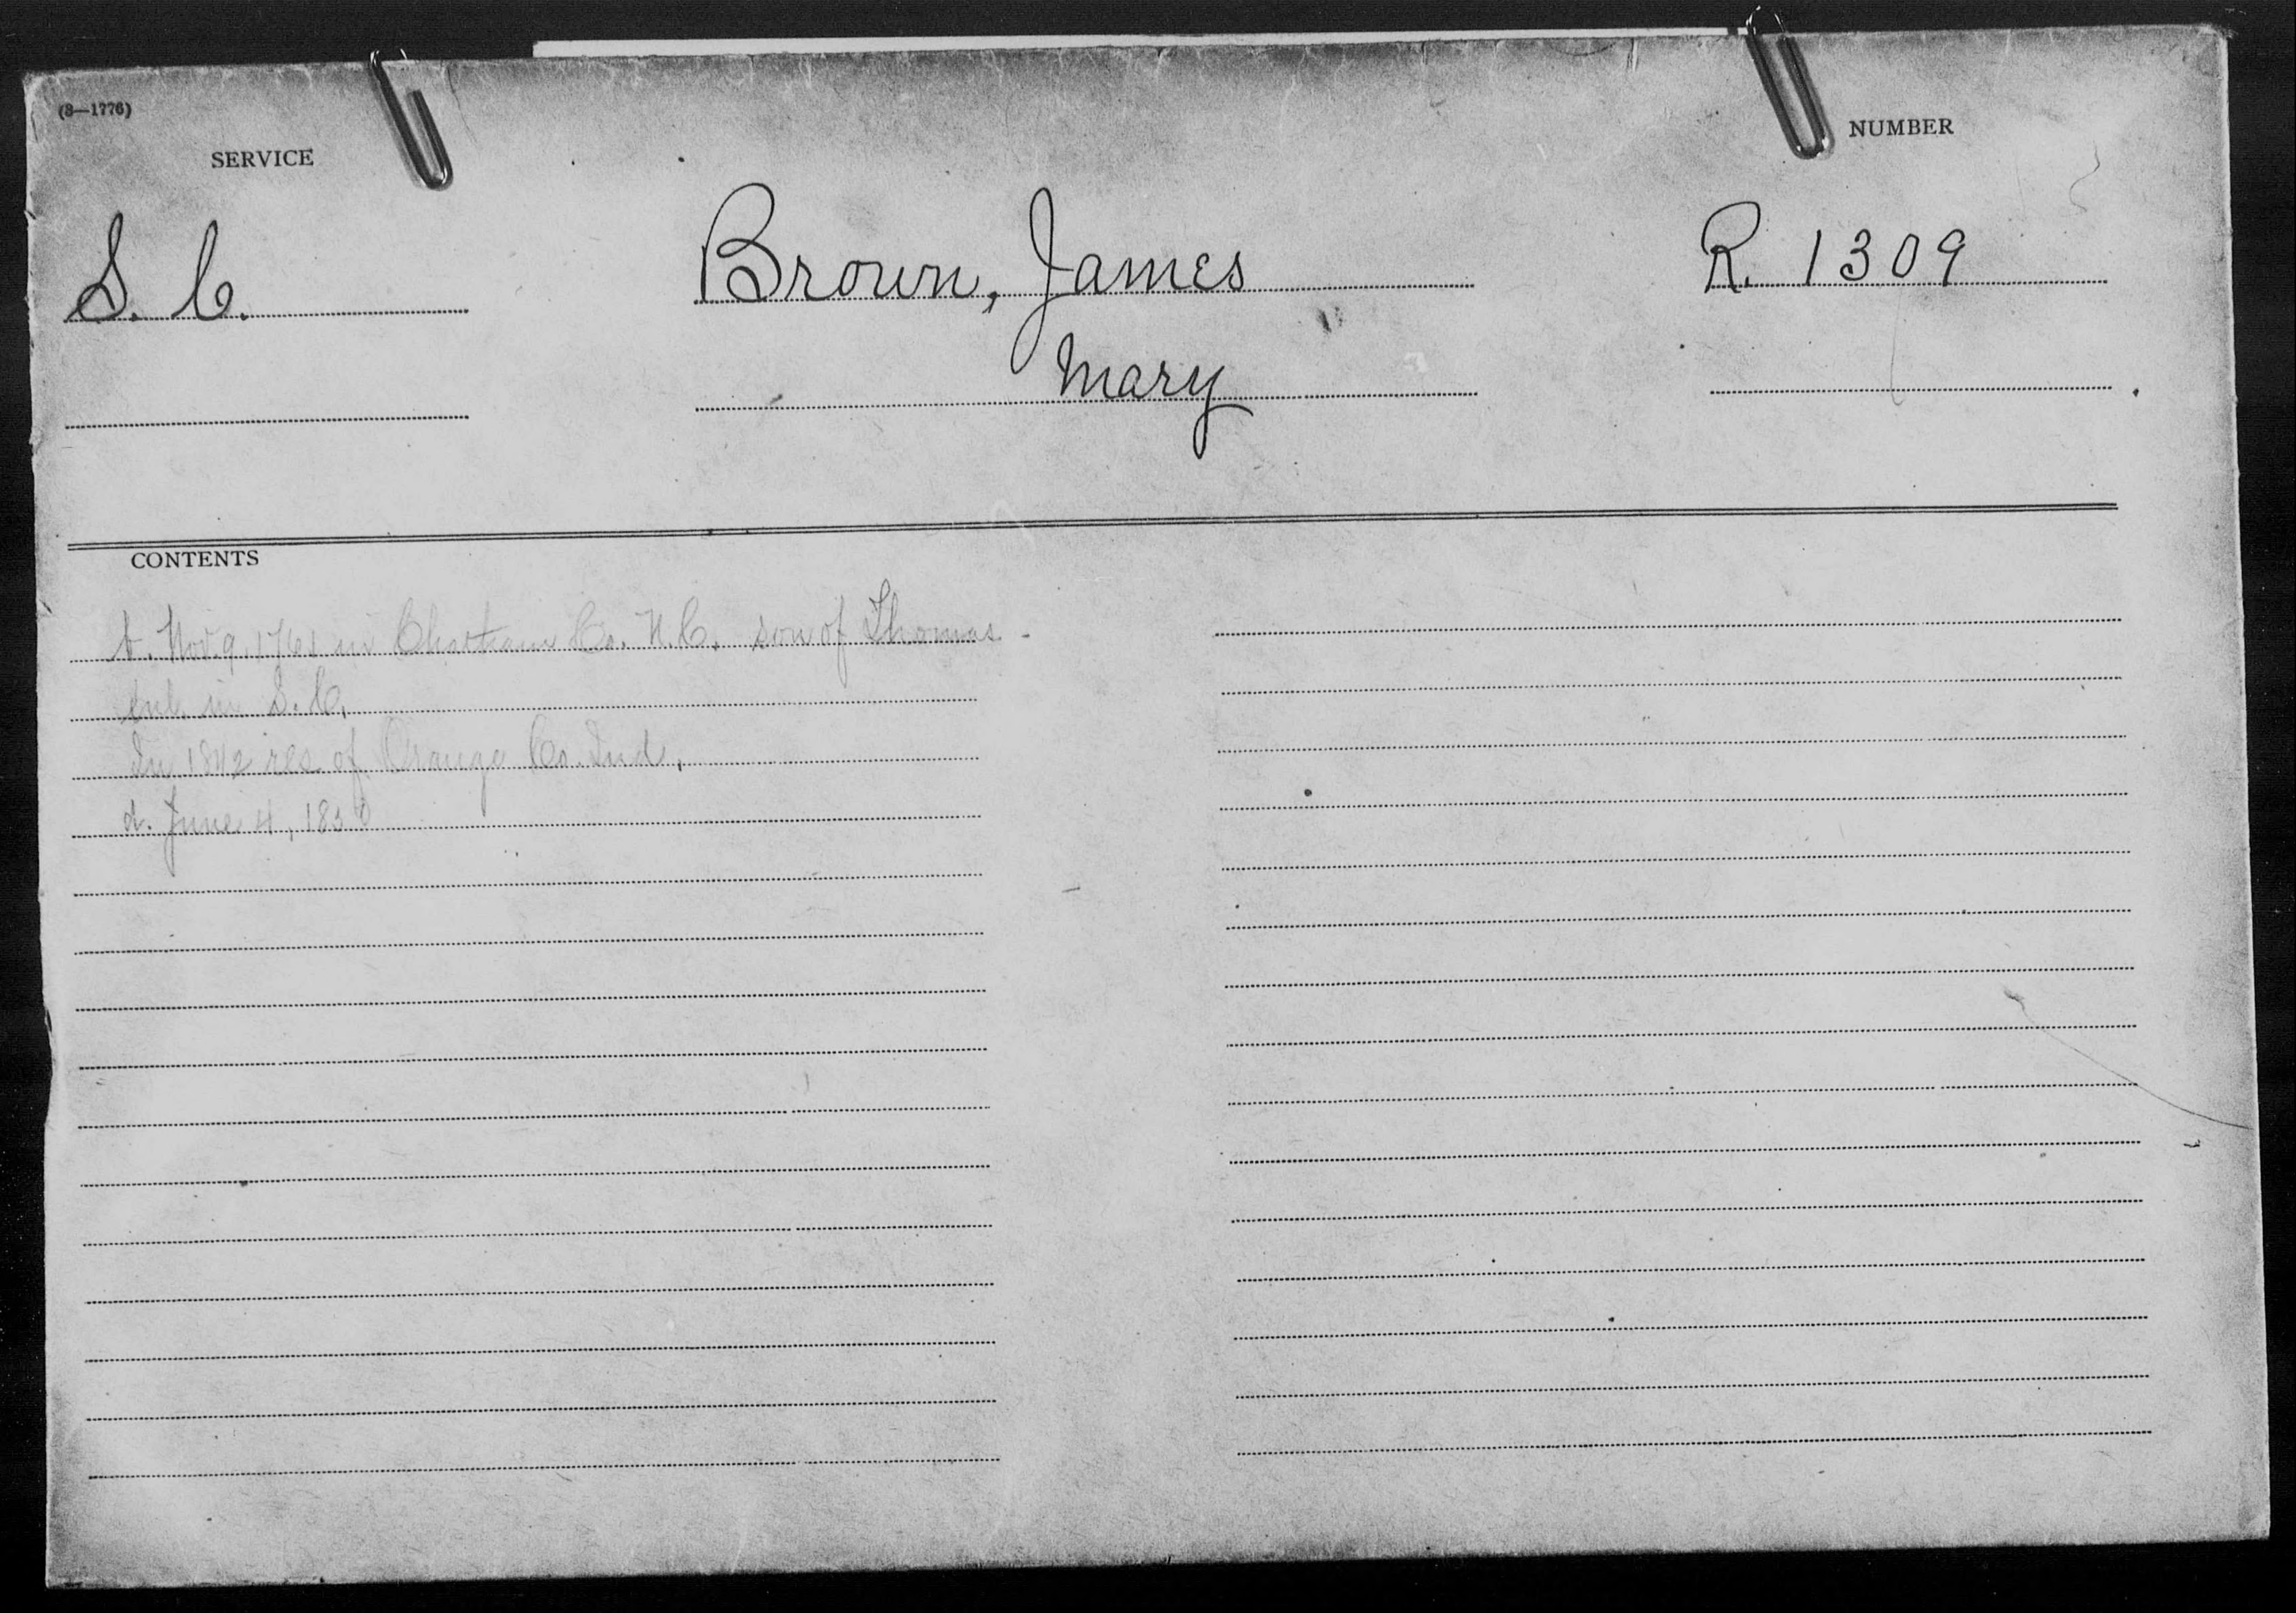SERVICE  S C
Brown James
Mary 
NUMBER  R.1309
CONTENTS
b.Nov 9 1761 in Chatham Co., N C son of Thomas
Inl in S C
In 1842 res of Orange Co Ind
d June 4, 1850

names: Thomas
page: 1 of 41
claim: rejected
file: R. 1309, James Brown, S.C.